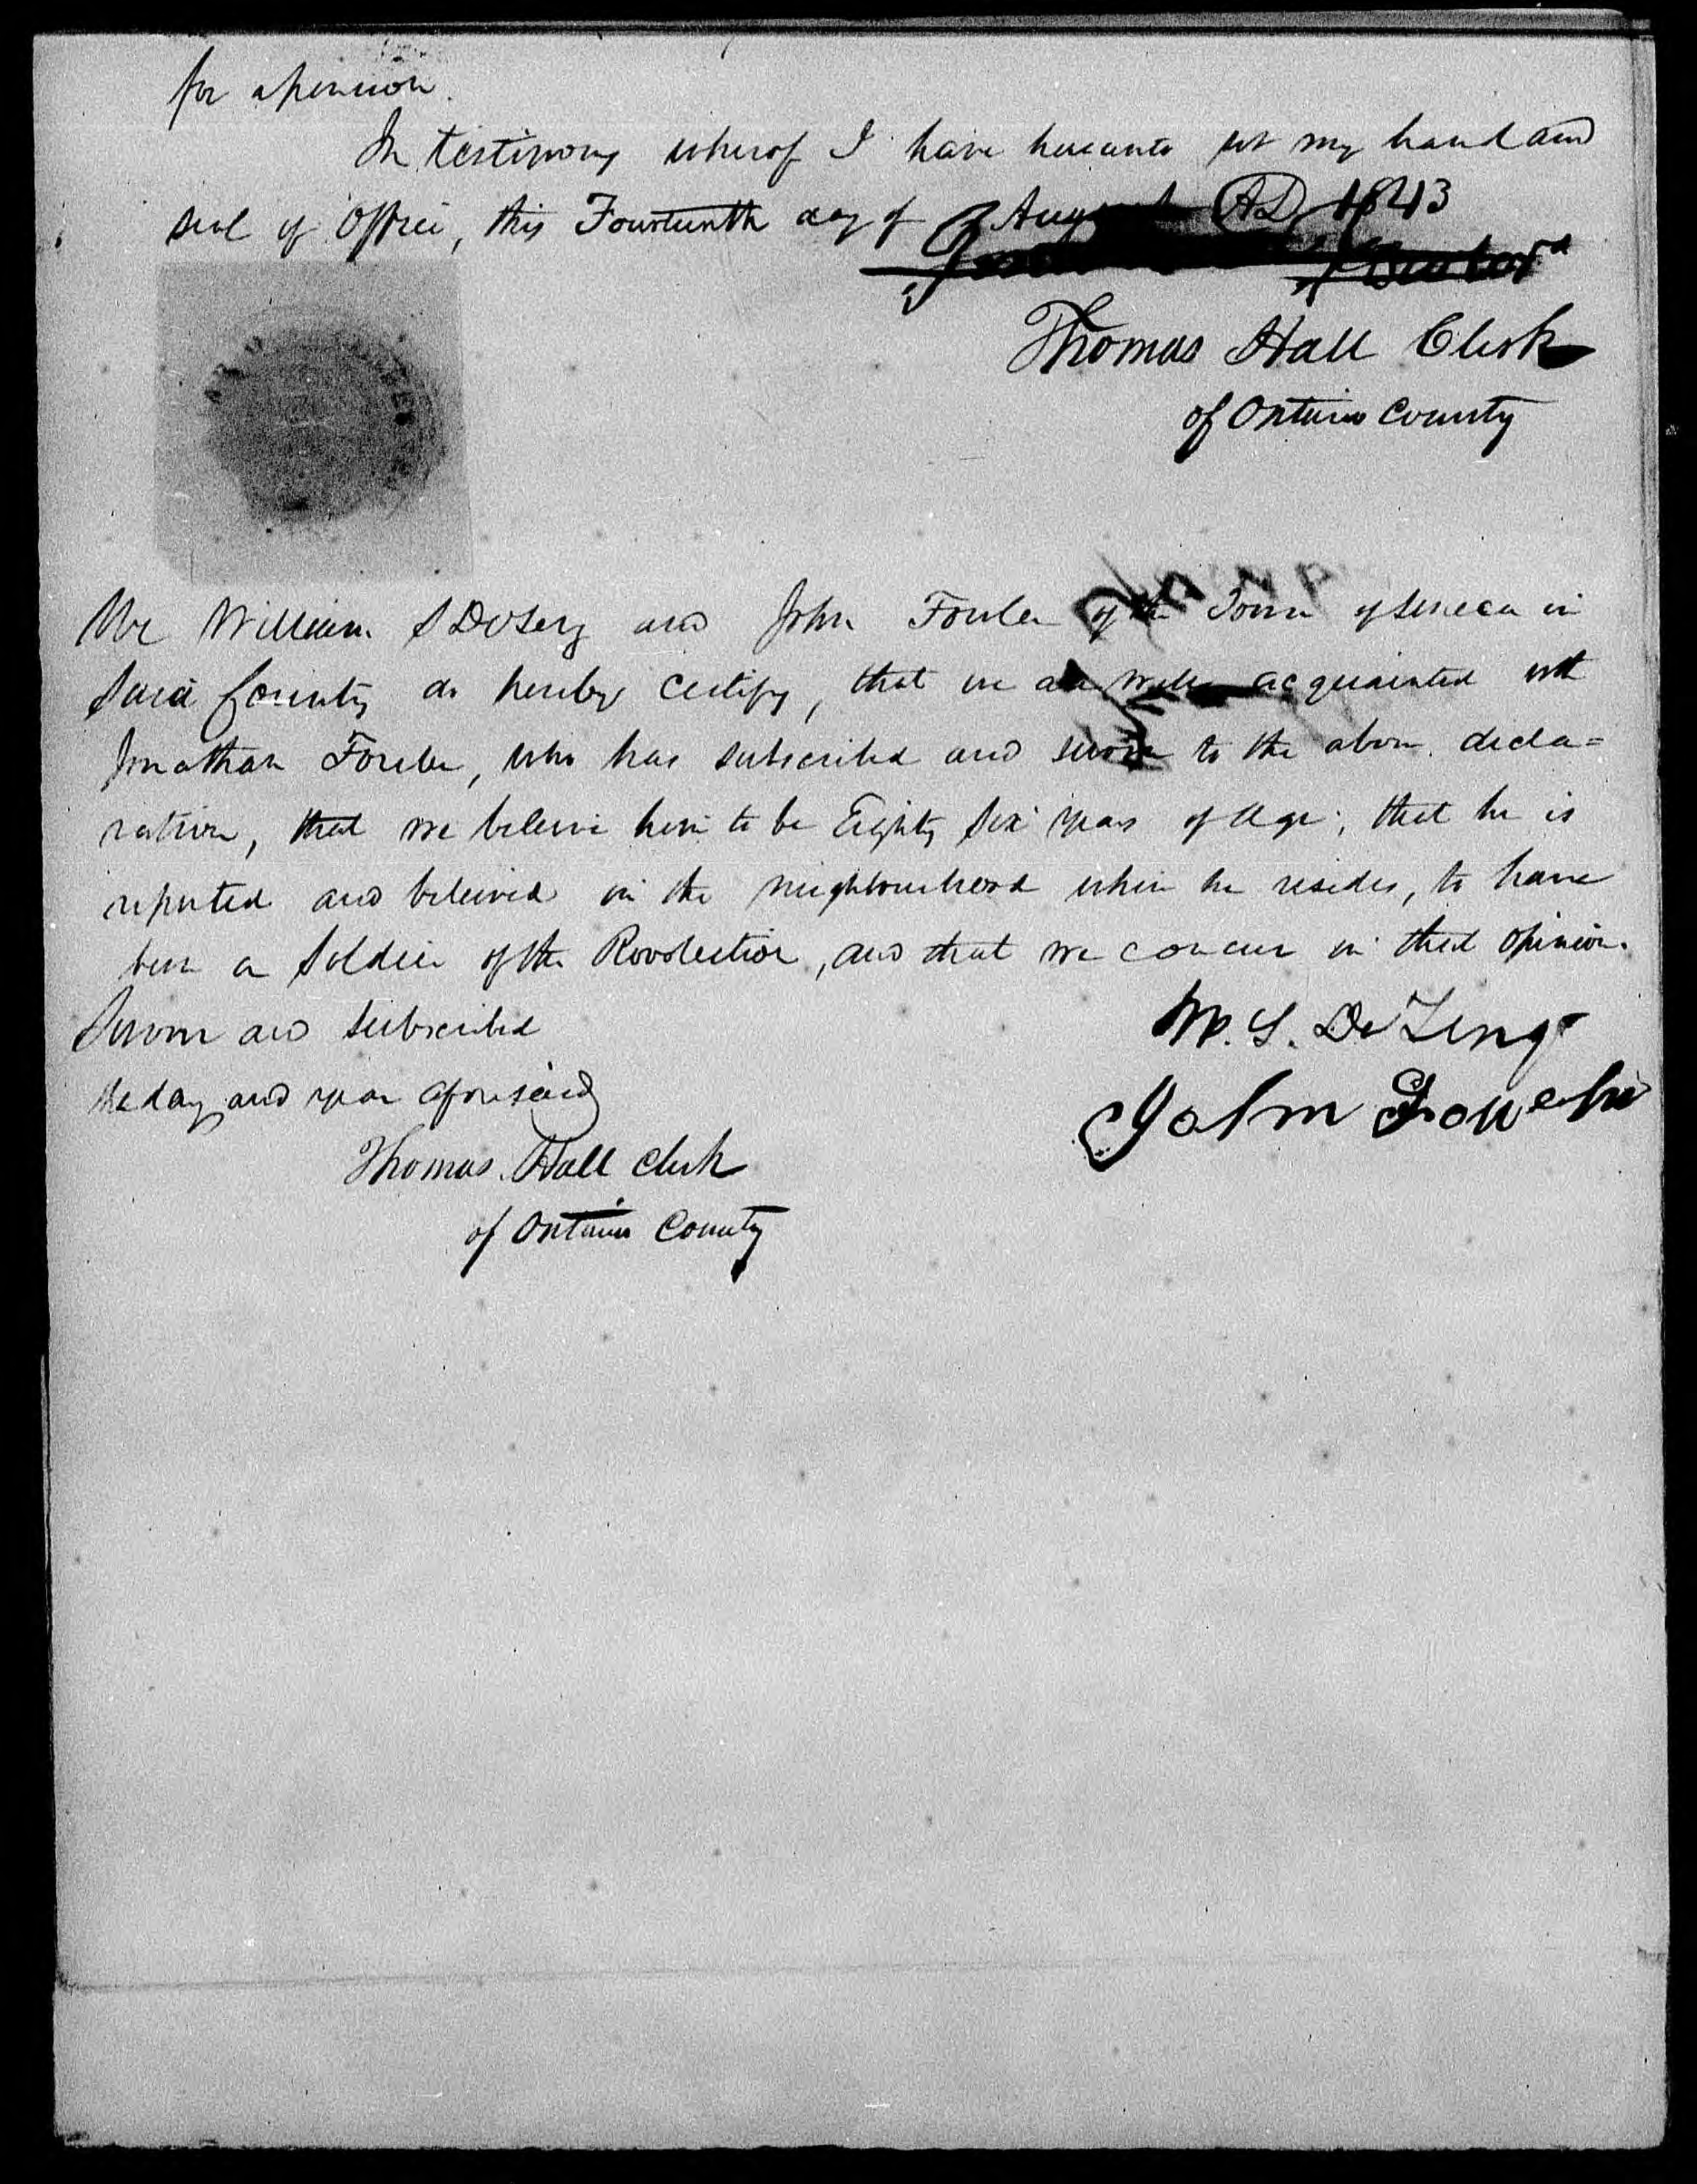for a pension
In testimony wherof I have hereunto set my hand and seal of office, this fourteenth day of August AD 1843
Thomas Hall Clerk of Ontario County

Mr. William S. DeZeng and John Fowler of the town of Seneca in said county do hereby certify, that we are well acquainted with Jonathan Fowler, who has subscribed and work to the above declaration, that we believe him to be eighty six years of age; that he is reputed and believed in the neighbourhood where he resides, to have been a soldier of the Revolution, and that we concur in that opinion.
W.S. DeZeng
John Fowler

Sworn and subscribed the day and year aforesaid.
Thomas Hall Clerk of Ontario County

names: W S De Zeng, John Foweler, Thomas Hall, William S De Zeng, Jonathan Fowler, Thomas Hall, John Fowler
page: 12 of 44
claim: survivor's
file: S. 23639, Jonathan Fowler, New York